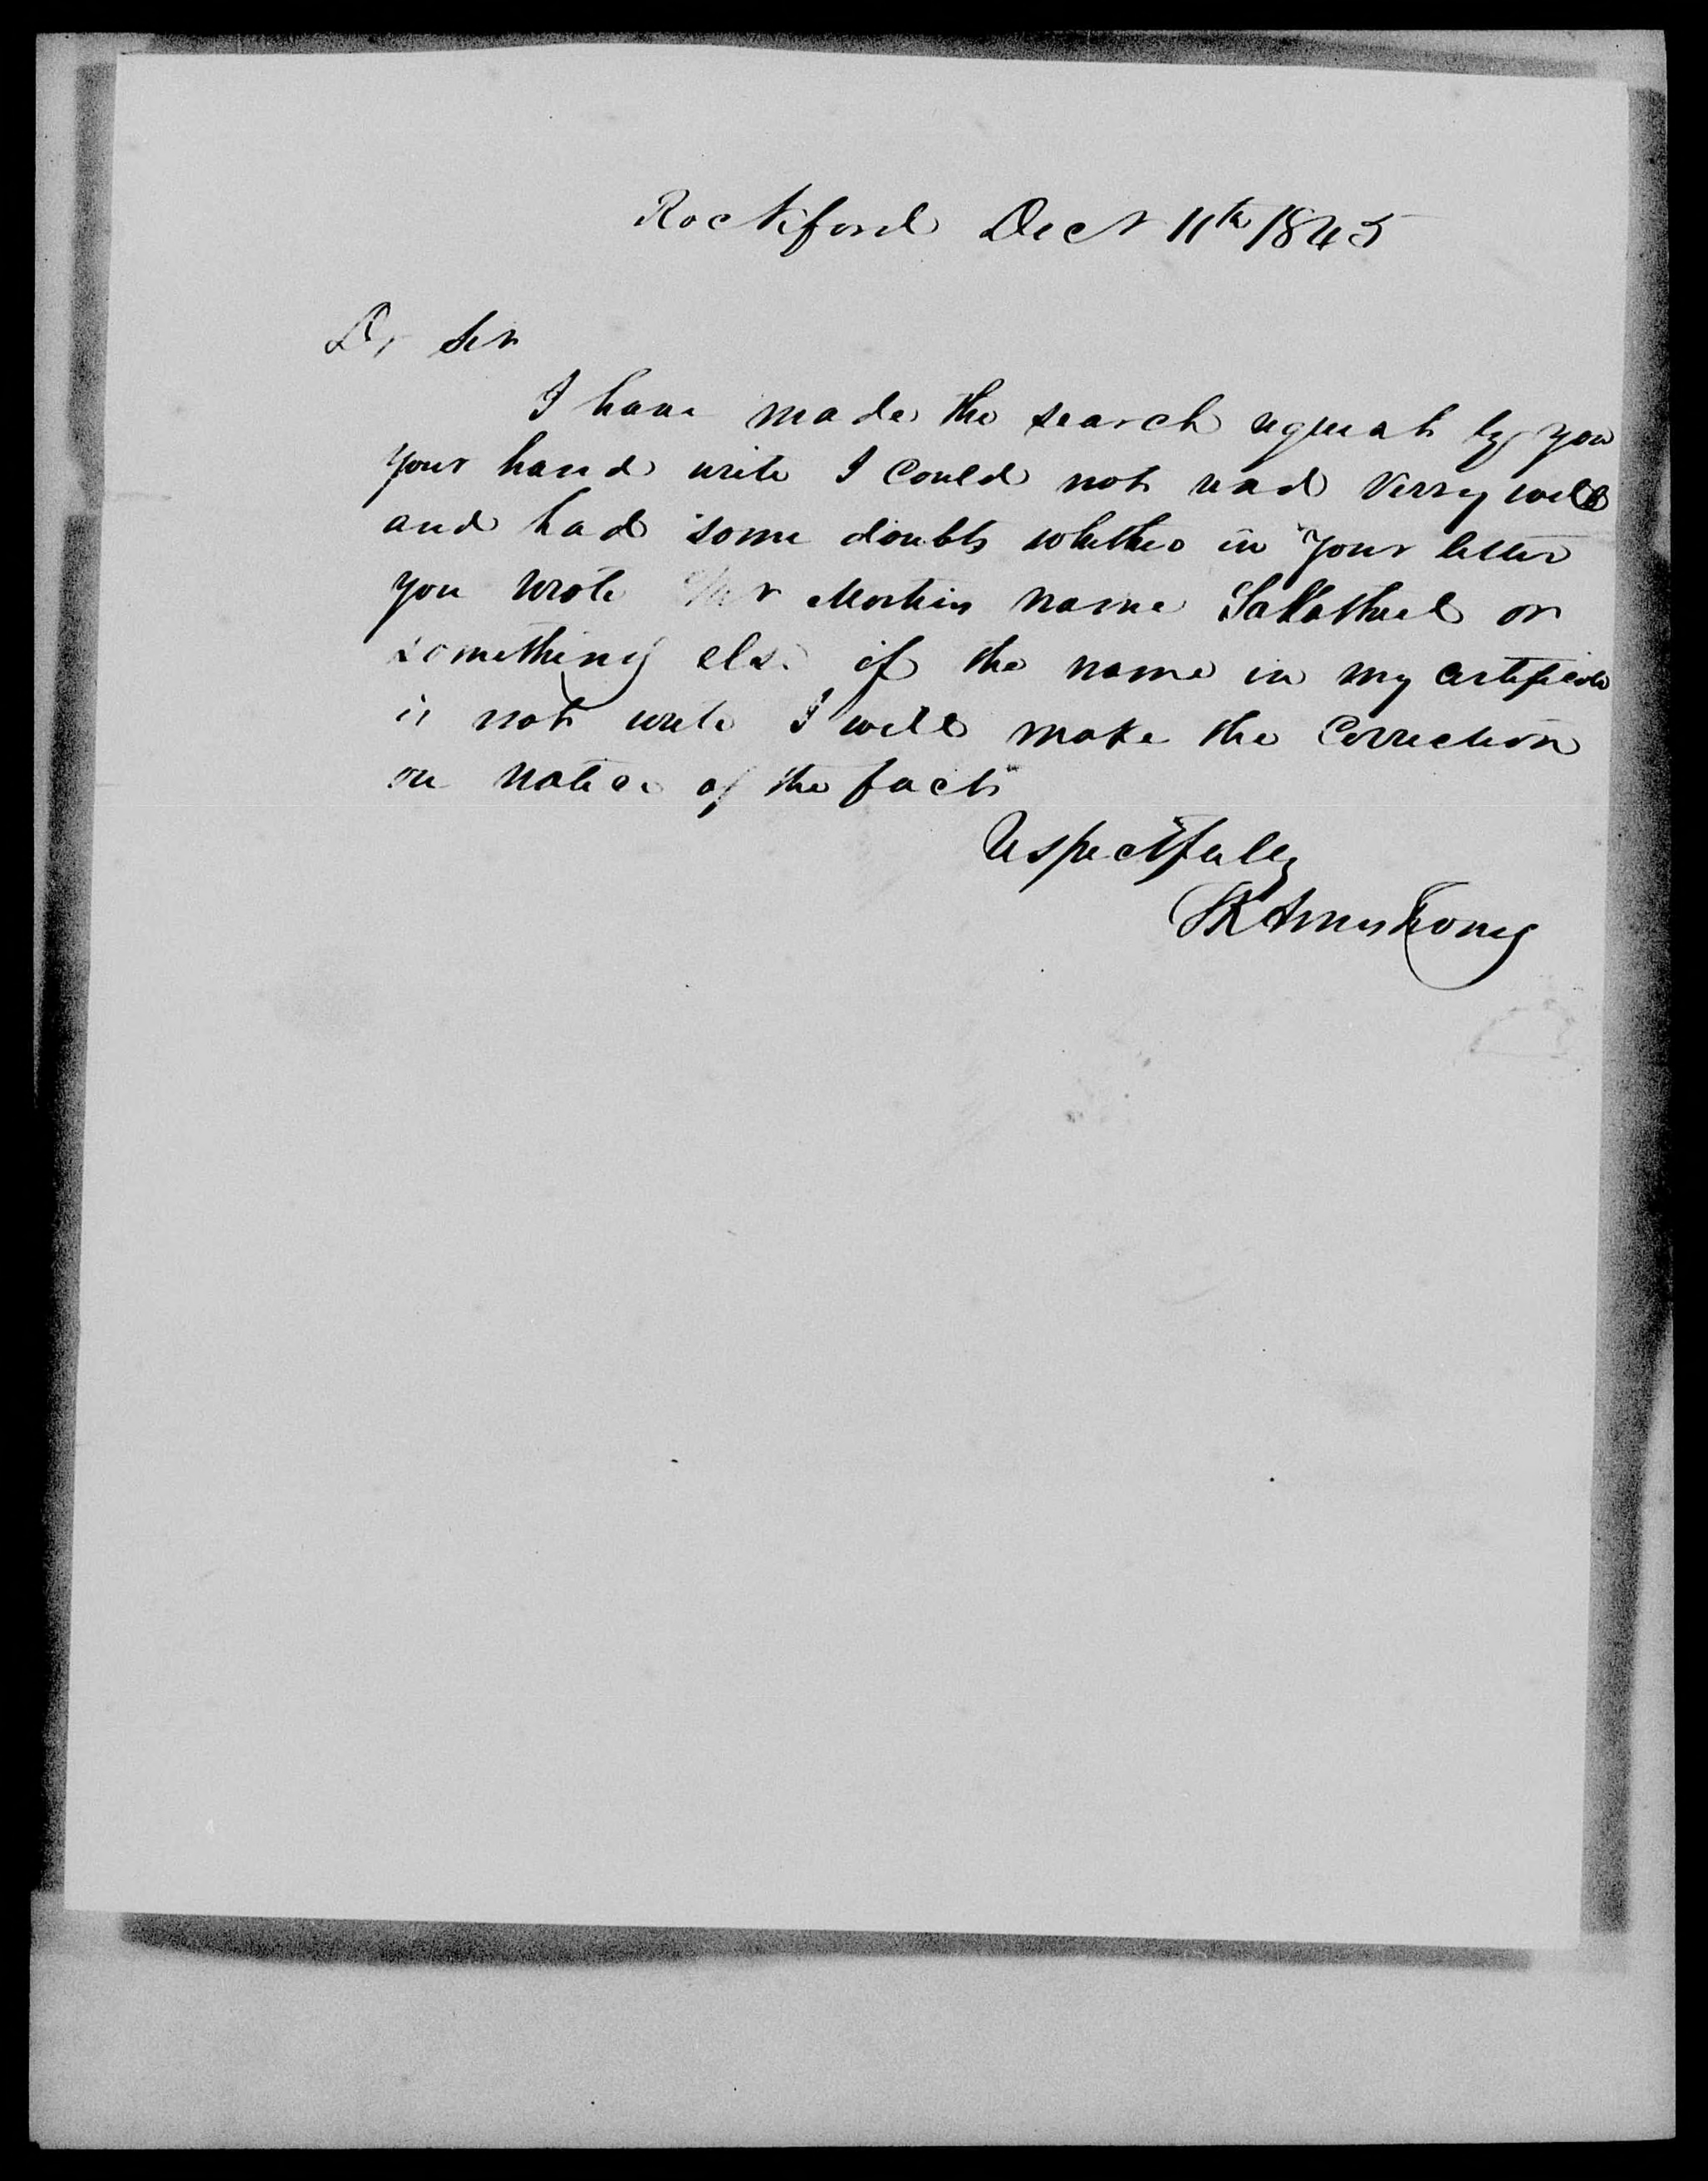Rockford Decr 11th 1845
Dr Sir
I have made the search requested by you
your hand write I could not read verry [very] well
and had some doubts whether in your letter
you wrote Mr Martins name Salathiel or
something else if the same in my certificate
not write [right] I will make the correction
on notice of the facts
Respectfully
FKArmstrong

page: 94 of 120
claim: widow's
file: W. 1044, for Salathiel Martin, North Carolina